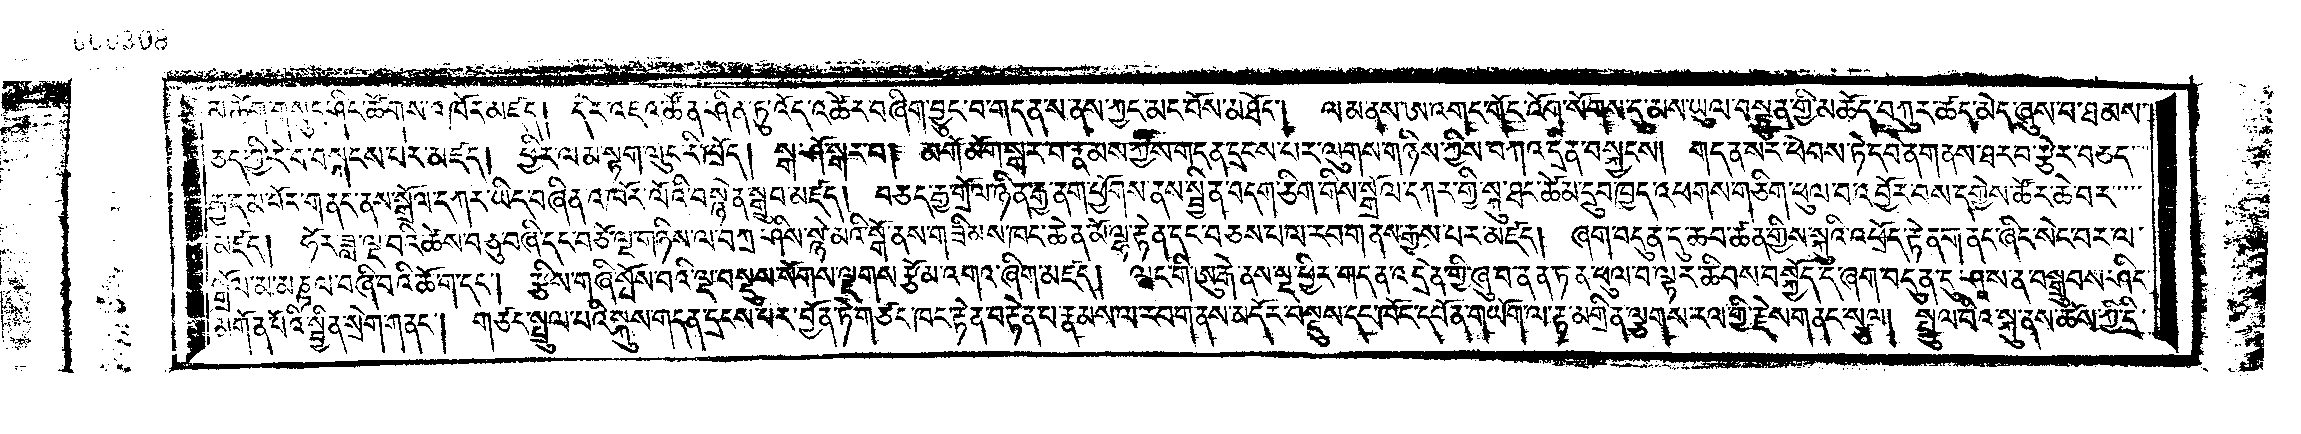མཆོག་གསུངས་ཤིང་ཚོགས་འཁོར་མཛད། དེར་འཇའ་ཚོན་ཤིན་ཏུ་འོད་འཚེར་བ་ཞིག་བྱུང་བ་གདན་ས་ནས་ཀྱང་མང་པོས་མཐོང་། ལམ་ནས་ཨ་འགང་གོང་འོག་སོགས་དུ་མས་ཡུལ་བསྟུན་གྱི་མཆོད་བཀུར་ཚད་མེད་ཞུས་པ་ཐམས་
ཅད་ཀྱི་རེ་བ་བསྐངས་པར་མཛད། ཕྱིར་ལམ་སྟག་ལུང་རི་ཁྲོད། སྒ་ཤོ་སྒར་བ། མགོ་མོག་སྒར་བ་རྣམས་ཀྱིས་གདན་དྲངས་པར་ལུགས་གཉིས་ཀྱིས་བཀའ་དྲིན་བསྐྱངས། གདན་སར་ཕེབས་ཏེ་དབེན་གནས་ཐར་པ་རྩེར་བཅད་
རྒྱ་དམ་པོར་གནང་ནས་སྒྲོལ་དཀར་ཡིད་བཞིན་འཁོར་ལོའི་བསྙེན་སྒྲུབ་མཛད། བཅད་རྒྱ་གྲོལ་ཉིན་རྒྱ་ནག་ཕྱོགས་ནས་སྦྱིན་བདག་ཅིག་གིས་སྒྲོལ་དཀར་གྱི་སྐུ་ཐང་ཚེམ་དྲུབ་ཁྱད་འཕགས་གཅིག་ཕུལ་བ་འབྱོར་པས་དགྱེས་ཚོར་ཆེ་བར་
མཛད། ཧོར་ཟླ་ལྔ་པའི་ཚེས་བཅུ་བཞི་དང་བཅོ་ལྔ་གཉིས་ལ་བཀྲ་ཤིས་སྙེ་མའི་སྒོ་ནས་གཟིམས་ཁང་ཆེན་མོ་ལྷ་རྟེན་དང་བཅས་པ་ལ་རབ་གནས་རྒྱས་པར་མཛད། ཞག་བདུན་དུ་ཆབ་ཚན་གྱིས་སྐུའི་འཕྲོད་རྟེན་གནང་ཞིང་སེང་བར་ལ་
སྒྲོལ་མ་མཎྜལ་བཞི་པའི་ཆོ་ག་དང་། རྩིས་གཞི་སྤོས་པའི་ལྔ་བསྡུས་སོགས་ལྗགས་རྩོམ་འགའ་ཞིག་མཛད། ཝང་གི་ཨུརྒེ་ནས་སྔ་ཕྱིར་གདན་འདྲེན་གྱི་ཞུ་བ་ནན་ཏན་ཕུལ་བ་ལྟར་ཆིབས་བསྐྱོད་དེ་ཞག་བདུན་དུ་ཤཱ་ས་ན་བསྒྲུབས་ཤིང་
མགོན་པོའི་སྦྱིན་སྲེག་གནང་། གཙང་སྤྲུལ་པའི་སྐུས་གདན་དྲངས་པར་བྱོན་ཏེ་གཙང་ཁང་རྟེན་བརྟེན་པ་རྣམས་ལ་རབ་གནས་མདོར་བསྡུས་དང་ཁོང་དཔོན་གཡོག་ལ་རྟ་མགྲིན་ལྕགས་རལ་གྱི་རྗེས་གནང་སྩལ། སྤྲུལ་པའི་སྐུ་ནས་ཆོས་ཀྱི་དྲི་